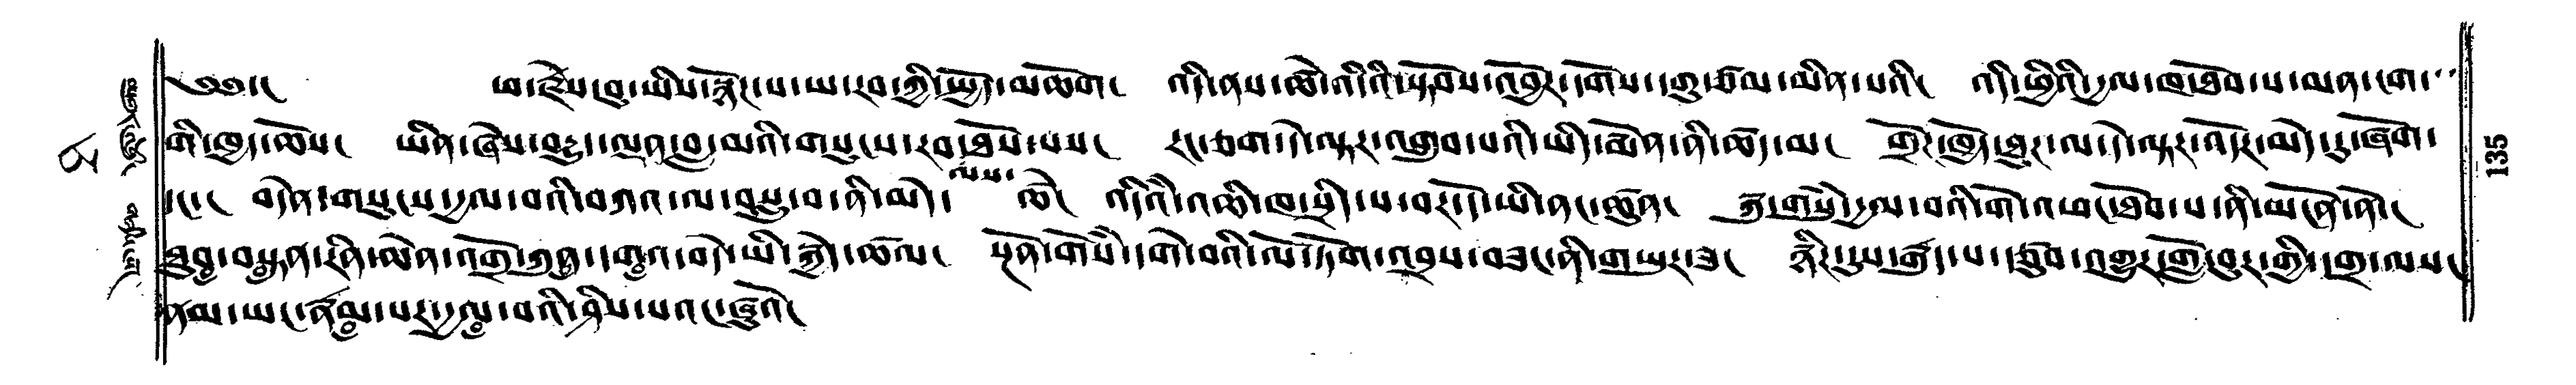།ཕ་རྗེས་བུ་ཡིས་སྙེགས་པ་ཡ་རབ་ཀྱི་སྤྱོད་མཆོག །འདི་ན་ཚེ་འདིའི་སྟོབས་འབྱོར་དགོས་དགུ་ཙམ་མིན་པའི། །འདི་ཕྱིའི་རྒྱལ་ཁ་ཐོབ་པ་མན་ངག་
གི་ཁྱད་ཆོས། །ཡིན་ཞེས་བརྒྱུད་ལྡན་བླ་མའི་གསུང་རབ་ལས་ཐོས་པས། །རང་ཅག་དེ་ལྟར་འགྲུབ་པའི་ཡིད་སྨོན་ནི་ཚད་མ། །གྲོགས་ཁྱོད་ཐུགས་ལ་དེ་ལྟར་འདོར་མེད་དུ་ཞོག་
དང་། །བདེན་གསུངས་རྒྱལ་བའི་བཀའ་ལ་བསླུ་བ་ནི་མེད་དོ། །ཚེ་འདིའམ་འཆི་ཁ་སྲིད་པ་བར་དོ་ཡི་ནང་ཚུན། །སྐུ་གསུམ་རྒྱལ་བའི་གོ་འཕང་འཐོབ་པར་ནི་མངོན་ནོ། །
ཐུབ་བསྟན་རིན་ཆེན་འགྲོ་ཀུན་དགའ་བདེ་ཡི་སྐྱེད་ཚལ། །སྔོན་གོམས་དགེ་བའི་ལོ་ཏོག་འབྲས་བཟང་ནི་གཡུར་ཟ། །སྙིགས་དུས་རྒུད་པ་རྩུབ་འགྱུར་གློ་བུར་གྱི་དགྲ་ལས། །
ནམ་ཡང་རྣམ་པར་རྒྱལ་བའི་ཤིས་པའང་ཞུའོ།།